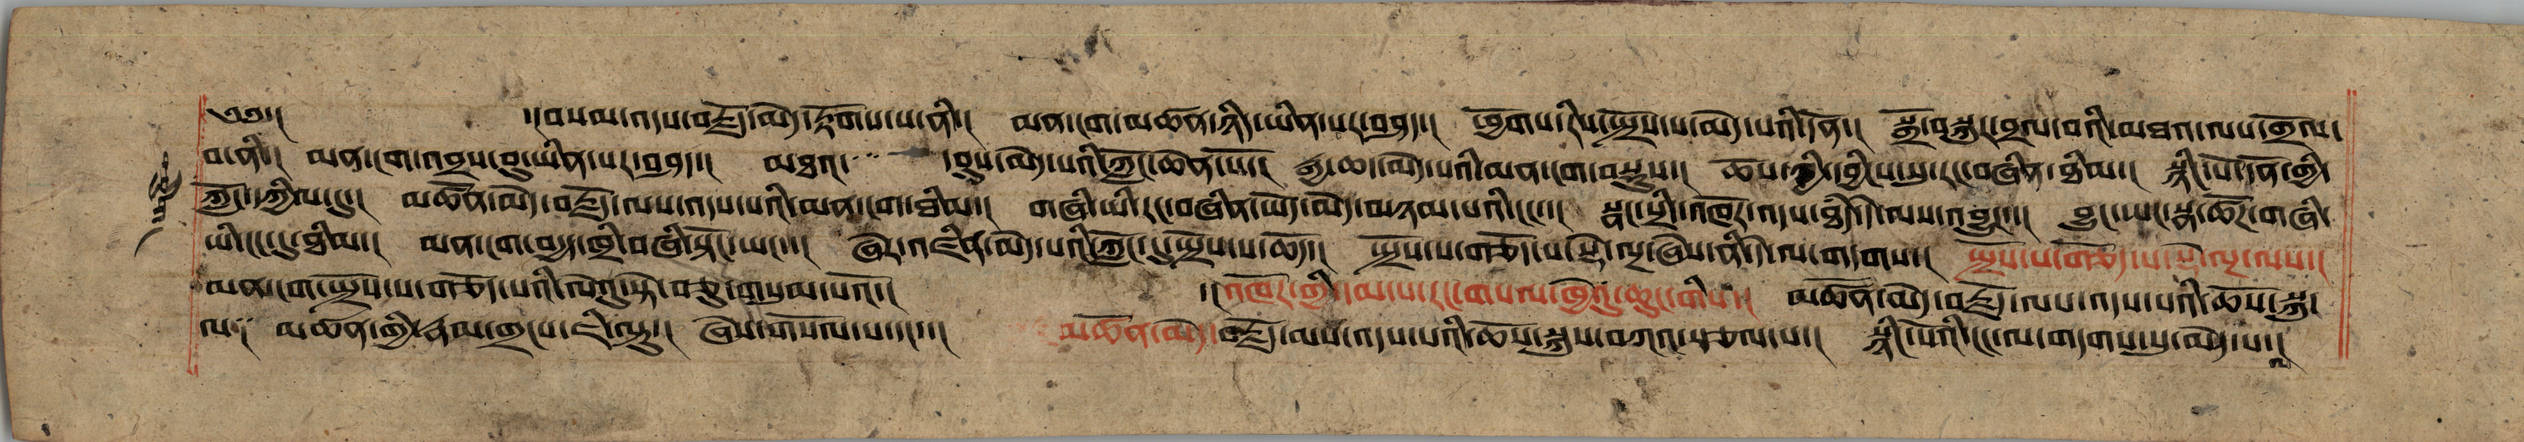༄༅་། ་།བསམ་འདས་བརྗོད་མེད་རྟོགས་པར་ནི་། མན་ངག་མཚན་ཉིད་ཡིན་པར་བཤད་། ཕྱོགས་རིས་སྤྲོས་པ་མེད་པའི་དོན་། སྒྲོ་བསྐུར་བྲལ་བའི་མཐའ་ལས་གྲོལ་
བ་ནི་། མན་ངག་འབྲས་བུ་ཡིན་པར་བཤད་། མཐའ་ དབུས་མེད་པའི་ཀློང་ཆེན་པོ་། རྒྱ་ཆད་མེད་པའི་མན་ངག་བསྡུས་། ཆོས་ཀྱི་དབྱིངས་སུ་རང་བཞིན་ཐིམ་། སྙིང་པོ་དོན་གྱི་
ཀློང་དཀྱིལ་དུ་། མཚོན་མེད་བརྗོད་ལས་འདས་པའི་མན་ངག་ཐིམ་། གཞི་ཡི་རང་བཞིན་ཡོད་མེད་མཉམ་པའི་ངང་། སྣང་སྲིད་འཁོར་འདས་ཐཾད་དེ་ལས་འབྱུང་། བྱུང་ཡང་སྣ་ཚོཌ་གཞི་
ཡི་ངང་དུ་ཐིམ་། མན་ངག་བདྱད་ཁྲི་བཞི་སྟོང་ཡང་། ཁེར་འཛིན་མེད་པའི་ཀློང་དུ་སྤྲོས་པ་ཆོད་། སྤྲོས་པ་གཅོད་པ་སྡེ་ལྔ་ཞེས་ནི་དེ་ལ་གདགས་། སྤྲོས་པ་གཅོད་པ་སྡེ་ལྔ་ལས་།
མན་ངག་སྤྲོས་པ་གཅོད་པའི་ལེའུ་སྟེ་བཅུ་གསུམ་པའོ་། ་།འཁོར་གྱི་དམ་པ་རང་གསལ་ཁྱེའུ་ཆུང་གིས་། མཚོན་མེད་བརྗོད་ལས་འདས་པའི་ཆོས་སྐུ་
ལ༑ མཚན་གྱི་རྣམ་གྲངས་ཇི་ལྟུ་། ཞེས་གསོལ་པ་དང་། མཚོན་མེད་བརྗོད་ལས་འདས་པའི་ཆོས་སྐུས་བཀའ་སྩལ་པ་། སྙིང་པོའི་ངང་ལ་གདགས་སུ་མེད་པ་།